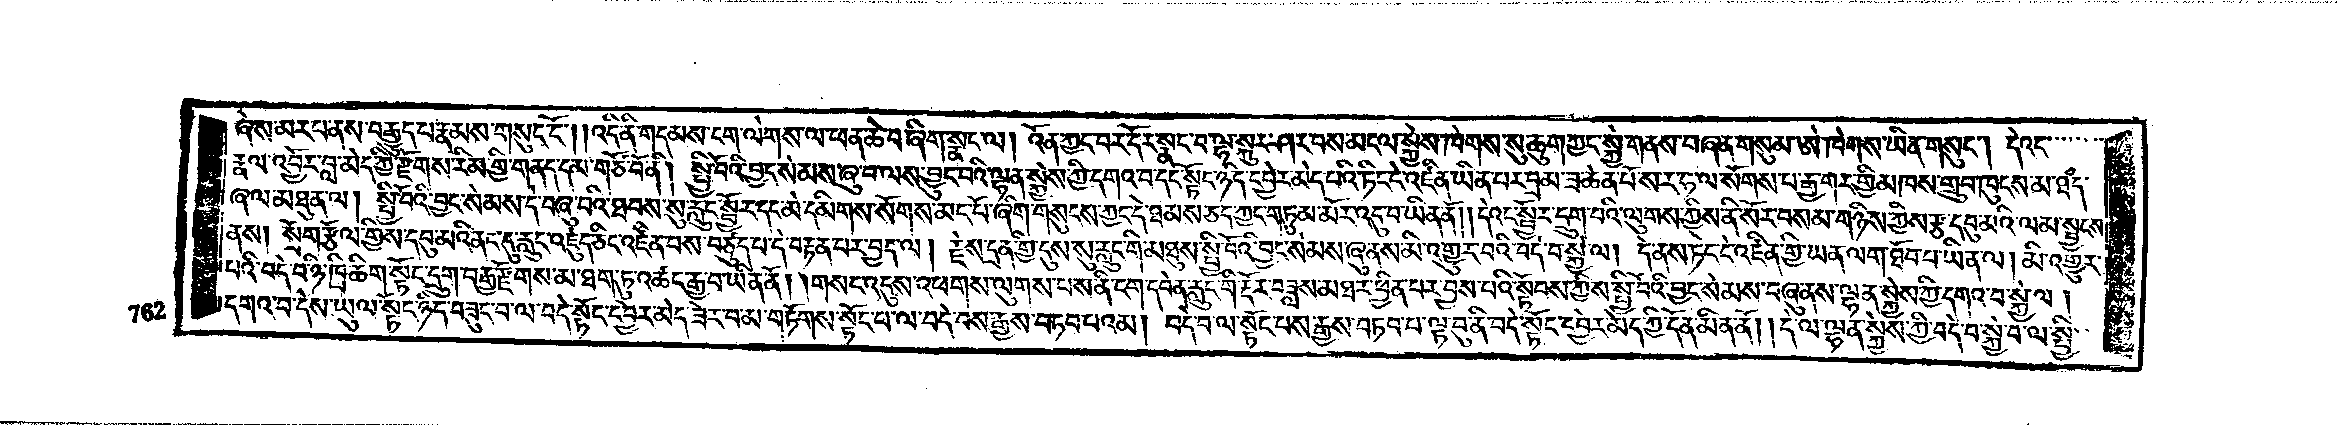ཞེས་མར་པ་ནས་བརྒྱུད་པ་རྣམས་གསུང་ངོ། །འདི་ནི་གདམས་ངག་ལེགས་ལ་ཕན་ཆེ་བ་ཞིག་སྣང་ལ། འོན་ཀྱང་བར་དོར་སྣང་བ་ལྷ་སྐུར་ཤར་བས་མངལ་སྐྱེས་ཁེགས་སུ་ཆུག་ཀྱང་སྐྱེ་གནས་བཞིན་གསུམ་ཨེ་ཁེགས་ཡིན་གསུང་། དེའང་
རྣལ་འབྱོར་བླ་མེད་ཀྱི་རྫོགས་རིམ་གྱི་གནད་དམ་གཙོ་བོ་ནི། སྤྱི་བོའི་བྱང་སེམས་ཞུ་བ་ལས་བྱུང་བའི་ལྷན་སྐྱེས་ཀྱི་དགའ་བ་དང་སྟོང་ཉིད་དབྱེར་མེད་པའི་ཏིང་ངེ་འཛིན་ཡིན་པར་བྲམ་ཟེ་ཆེན་པོ་ས་ར་ཧ་ལ་སོགས་པ་རྒྱ་གར་གྱི་མཁས་གྲུབ་ཁུངས་མ་ཐམས་ཅད་
ཞལ་མཐུན་ལ། སྤྱི་བོའི་བྱང་སེམས་དེ་བཞུ་བའི་ཐབས་སུ་རླུང་སྦྱོར་དང་མེ་དམིགས་སོགས་མང་པོ་ཞིག་གསུངས་ཀྱང་དེ་ཐམས་ཅད་ཀྱང་གཏུམ་མོར་འདུ་བ་ཡིན་ནོ། །དེའང་སྦྱོར་དྲུག་པའི་ལུགས་ཀྱིས་ནི་སོར་བསམ་གཉིས་ཀྱིས་རྩ་དབུ་མའི་ལམ་སྦྱངས་
ནས། སྲོག་རྩོལ་གྱིས་དབུ་མའི་ནང་དུ་རླུང་འཛུད་ཅིང་འཛིན་པས་བཙུད་པ་དེ་བརྟན་པར་བྱེད་ལ། རྗེས་དྲན་གྱི་དུས་སུ་རླུང་གི་མཐུས་སྤྱི་བོའི་བྱང་སེམས་ཞུ་ནས་མི་འགྱུར་བའི་བདེ་བ་སྐྱེ་ལ། དེ་ནས་ཏིང་ངེ་འཛིན་གྱི་ཡན་ལག་ཐོབ་པ་ཡིན་ལ། མི་འགྱུར་
པའི་བདེ་བ་ཉི་ཁྲི་ཆིག་སྟོང་དྲུག་བརྒྱ་རྫོགས་མ་ཐག་ཏུ་འཚང་རྒྱ་བ་ཡིན་ནོ། །གསང་འདུས་འཕགས་ལུགས་པས་ནི་ངག་དབེན་རླུང་གི་རྡོར་བཟླས་མཐར་ཕྱིན་པར་བྱས་པའི་སྟོབས་ཀྱིས་སྤྱི་བོའི་བྱང་སེམས་བཞུ་ནས་ལྷན་སྐྱེས་ཀྱི་དགའ་བ་སྐྱེ་ལ།
དགའ་བ་དེས་ཡུལ་སྟོང་ཉིད་བཟུང་བ་ལ་བདེ་སྟོང་དབྱེར་མེད་ཟེར་བ་མ་གཏོགས་སྟོང་པ་ལ་བདེ་བས་རྒྱས་བཏབ་པའམ། བདེ་བ་ལ་སྟོང་པས་རྒྱས་བཏབ་པ་ལྟ་བུ་ནི་བདེ་སྟོང་དབྱེར་མེད་ཀྱི་དོན་མིན་ནོ། །དེ་ལ་ལྷན་སྐྱེས་ཀྱི་བདེ་བ་སྐྱེ་བ་ལ་སྤྱི་